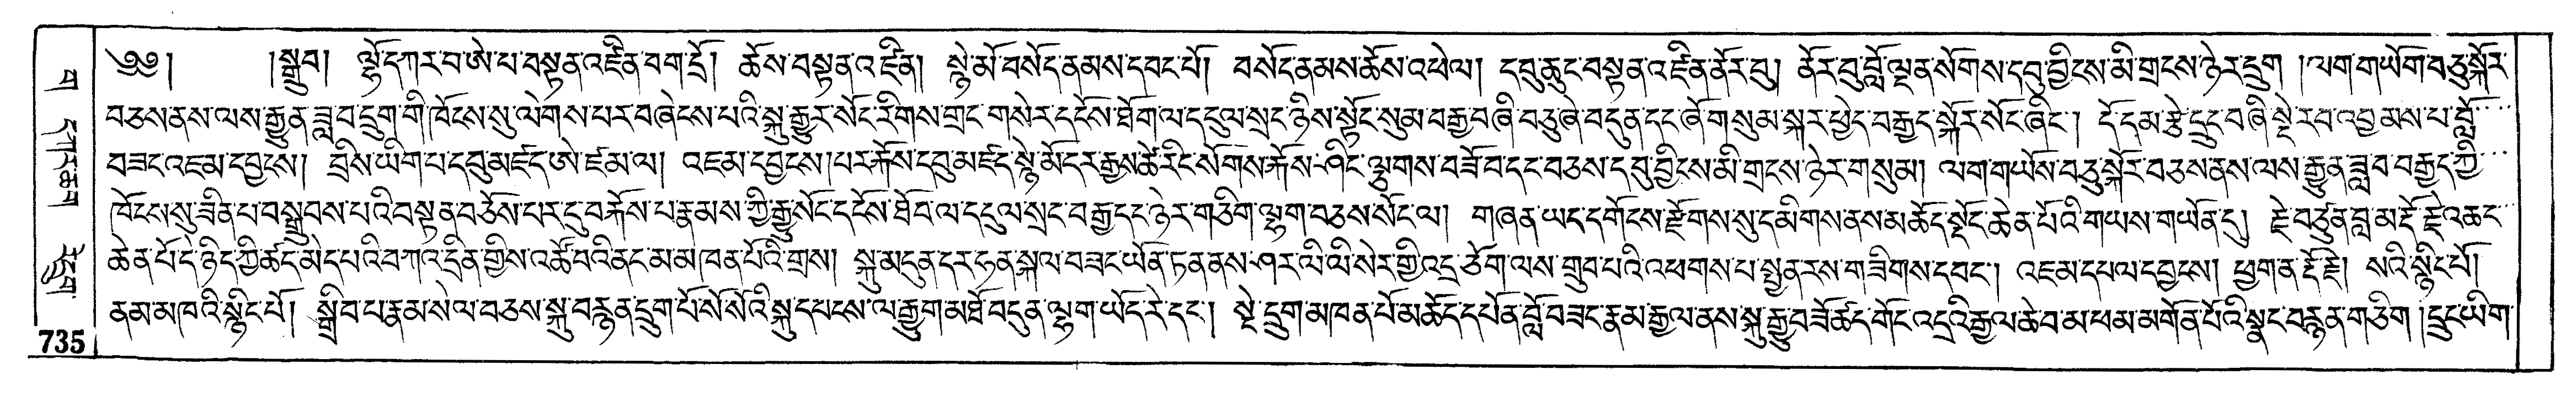༄༅། །སྒྲུབ། ལྟོ་དཀར་པ་ཨེ་པ་བསྟན་འཛིན་བག་དྲོ། ཆོས་བསྟན་འཛིན། སྙེ་མོ་བསོད་ནམས་དབང་པོ། བསོད་ནམས་ཆོས་འཕེལ། དབུ་ཆུང་བསྟན་འཛིན་ནོར་བུ། ནོར་བུ་བློ་ལྡན་སོགས་དབུ་བྱིངས་མི་གྲངས་ཉེར་དྲུག །ལག་གཡོག་བཅུ་སྐོར་
བཅས་ནས་ལས་རྒྱུན་ཟླ་བ་དྲུག་གི་ཁོངས་སུ་ལེགས་པར་བཞེངས་པའི་སྐུ་རྒྱུར་སོང་རིགས་གྲང་གསེར་དངོས་ཐོབ་ལ་དངུལ་སྲང་ཉིས་སྟོང་སུམ་བརྒྱ་བཞི་བཅུ་ཞེ་བདུན་དང་ཞོ་གསུམ་སྐར་ཕྱེད་བརྒྱད་སྐོར་སོང་ཞིང་། དོ་དམ་རྩེ་དྲུང་བཞི་སྡེ་རབ་འབྱམས་པ་བློ་
བཟང་འཇམ་དབྱངས། བྲིས་ཡིག་པ་དབུ་མཛད་ཨེ་ཛམ་ལ། འཇམ་དབྱངས། པར་རྐོས་དབུ་མཛད་སྙེ་མོ་དར་རྒྱས་ཚེ་རིང་སོགས་རྐོས་ཤིང་ལྕགས་བཟོ་བ་དང་བཅས་དབུ་བྱིངས་མི་གྲངས་ཉེར་གསུམ། ལག་གཡོག་བཅུ་སྐོར་བཅས་ནས་ལས་རྒྱུན་ཟླ་བ་བརྒྱད་ཀྱི་
ཁོངས་སུ་ཟིན་པ་བསྒྲུབས་པའི་བསྟན་བཅོས་པར་དུ་བརྐོས་པ་རྣམས་ཀྱི་རྒྱུ་སོང་དངོས་ཐོབ་ལ་དངུལ་སྲང་བརྒྱ་དང་ཉེར་གཅིག་ལྷག་བཅས་སོང་ལ། གཞན་ཡང་དགོངས་རྫོགས་སུ་དམིགས་ནས་མཆོད་སྡོང་ཆེན་པོའི་གཡས་གཡོན་དུ། རྗེ་བཙུན་བླ་མ་རྡོ་རྗེ་འཆང་
ཆེན་པོ་དེ་ཉིད་ཀྱི་ཚད་མེད་པའི་བཀའ་དྲིན་གྱིས་འཚོ་བའི་ནང་མ་མཁན་པོའི་གྲས། སྐུ་མདུན་དར་ཧན་སྐལ་བཟང་ཡོན་ཏན་ནས་ཤར་ལི་ལི་སེར་གྱི་འདྲ་ཅོག་ལས་གྲུབ་པའི་འཕགས་པ་སྤྱན་རས་གཟིགས་དབང་། འཇམ་དཔལ་དབྱངས། ཕྱག་ན་རྡོ་རྗེ། སའི་སྙིང་པོ།
ནམ་མཁའི་སྙིང་པོ། སྒྲིབ་པ་རྣམ་སེལ་བཅས་སྐུ་བརྙན་དྲུག་པོ་སོ་སོའི་སྐུ་དཔངས་ལ་རྒྱུག་མཐོ་བདུན་ལྷག་ཡོད་རེ་དང་། སྡེ་དྲུག་མཁན་པོ་མཆོད་དཔོན་བློ་བཟང་རྣམ་རྒྱལ་ནས་སྐུ་རྒྱུ་བཟོ་ཚད་གོང་འདྲའི་རྒྱལ་ཚབ་མ་ཕམ་མགོན་པོའི་སྣང་བརྙན་གཅིག །དྲུང་ཡིག་